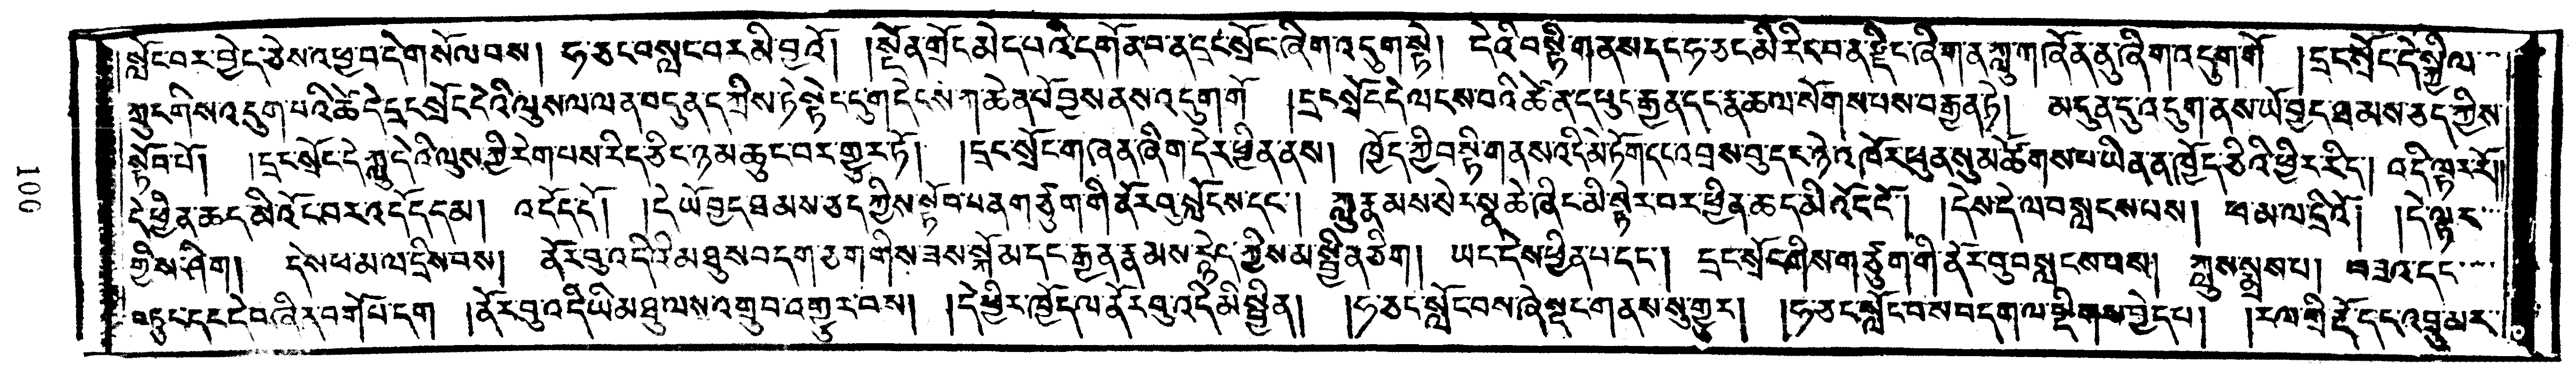སློང་བར་བྱེད་ཅེས་འཕྱ་བ་དེ་གསོལ་བས། ཧ་ཅང་བསླང་བར་མི་བྱའོ། །སྔོན་གྲོང་མེད་པའི་དགོན་བ་ན་དྲང་སྲོང་ཞིག་འདུག་སྟེ། དེའི་བསྟི་གནས་དང་ཧ་ཅང་མི་རིང་བ་ན་རྫིང་ཞིག་ན་ཀླུ་གཞོན་ནུ་ཞིག་འདུག་གོ །དྲང་སྲོང་དེ་སྐྱིལ་
ཀྲུང་གིས་འདུག་པའི་ཚེ་དེ་དྲང་སྲོང་དེའི་ལུས་ལ་ལན་བདུན་དཀྲིས་ཏེ་སྟེང་དུ་གདེངས་ཀ་ཆེན་པོ་བྱས་ནས་འདུག་གོ །དྲང་སྲོང་དེ་ལངས་བའི་ཚེ་ན་དཔུང་རྒྱན་དང་རྣ་ཆ་ལ་སོགས་པས་བརྒྱན་ཏེ། མདུན་དུ་འདུག་ནས་ཡོ་བྱད་ཐམས་ཅད་ཀྱིས་
སྟོབ་པོ། །དྲང་སྲོང་དེ་ཀླུ་དེའི་ལུས་ཀྱི་རེག་པས་རིད་ཅིང་ཉམ་ཆུང་བར་གྱུར་ཏོ། །དྲང་སྲོང་གཞན་ཞིག་དེར་ཕྱིན་ནས། ཁྱོད་ཀྱི་བསྟི་གནས་འདི་མེ་ཏོག་དང་འབྲས་བུ་དང་ཉེ་འཁོར་ཕུན་སུམ་ཚོགས་པ་ཡིན་ན་ཁྱོད་ཅིའི་ཕྱིར་རིད། འདི་ལྟར་རོ།།
དེ་ཕྱིན་ཆད་མི་འོང་བར་འདོད་དམ། འདོད་དོ། །དེ་ཡོ་བྱད་ཐམས་ཅད་ཀྱིས་སྟོབ་པ་ན་གཙུག་གི་ནོར་བུ་སློངས་དང་། ཀླུ་རྣམས་སེར་སྣ་ཆེ་ཞིང་མི་སྟེར་བར་ཕྱིན་ཆད་མི་འོང་ངོ། །དེས་དེ་ལ་བསླངས་པས། ཕ་མ་ལ་དྲིའོ༑ །དེ་ལྟར་
གྱིས་ཤིག། དེས་ཕ་མ་ལ་དྲིས་བས། ནོར་བུ་འདིའི་མཐུས་བདག་ཅག་གིས་ཟས་སྐོམ་དང་རྒྱན་རྣམས་རྙེད་ཀྱིས་མ་སྦྱིན་ཅིག། ཡང་དེས་ཕྱིན་པ་དང་། དྲང་སྲོང་གིས་གཙུག་གི་ནོར་བུ་བསླངས་པས། ཀླུས་སྨྲས་པ། བཟའ་དང་
བཏུང་དང་དེ་བཞིན་བགོ་པ་དག །ནོར་བུ་འདི་ཡི་མཐུ་ལས་འགྲུབ་འགྱུར་བས། །དེ་ཕྱིར་ཁྱོད་ལ་ནོར་བུ་འདི་མི་སྦྱིན། །ཧ་ཅང་སློང་བས་ཞེ་སྡང་གནས་སུ་གྱུར། །ཧ་ཅང་སློང་བས་བདག་ལ་སྡིགས་བྱེད་པ། །རལ་གྲི་རྡོ་དང་འབྲུ་མར་